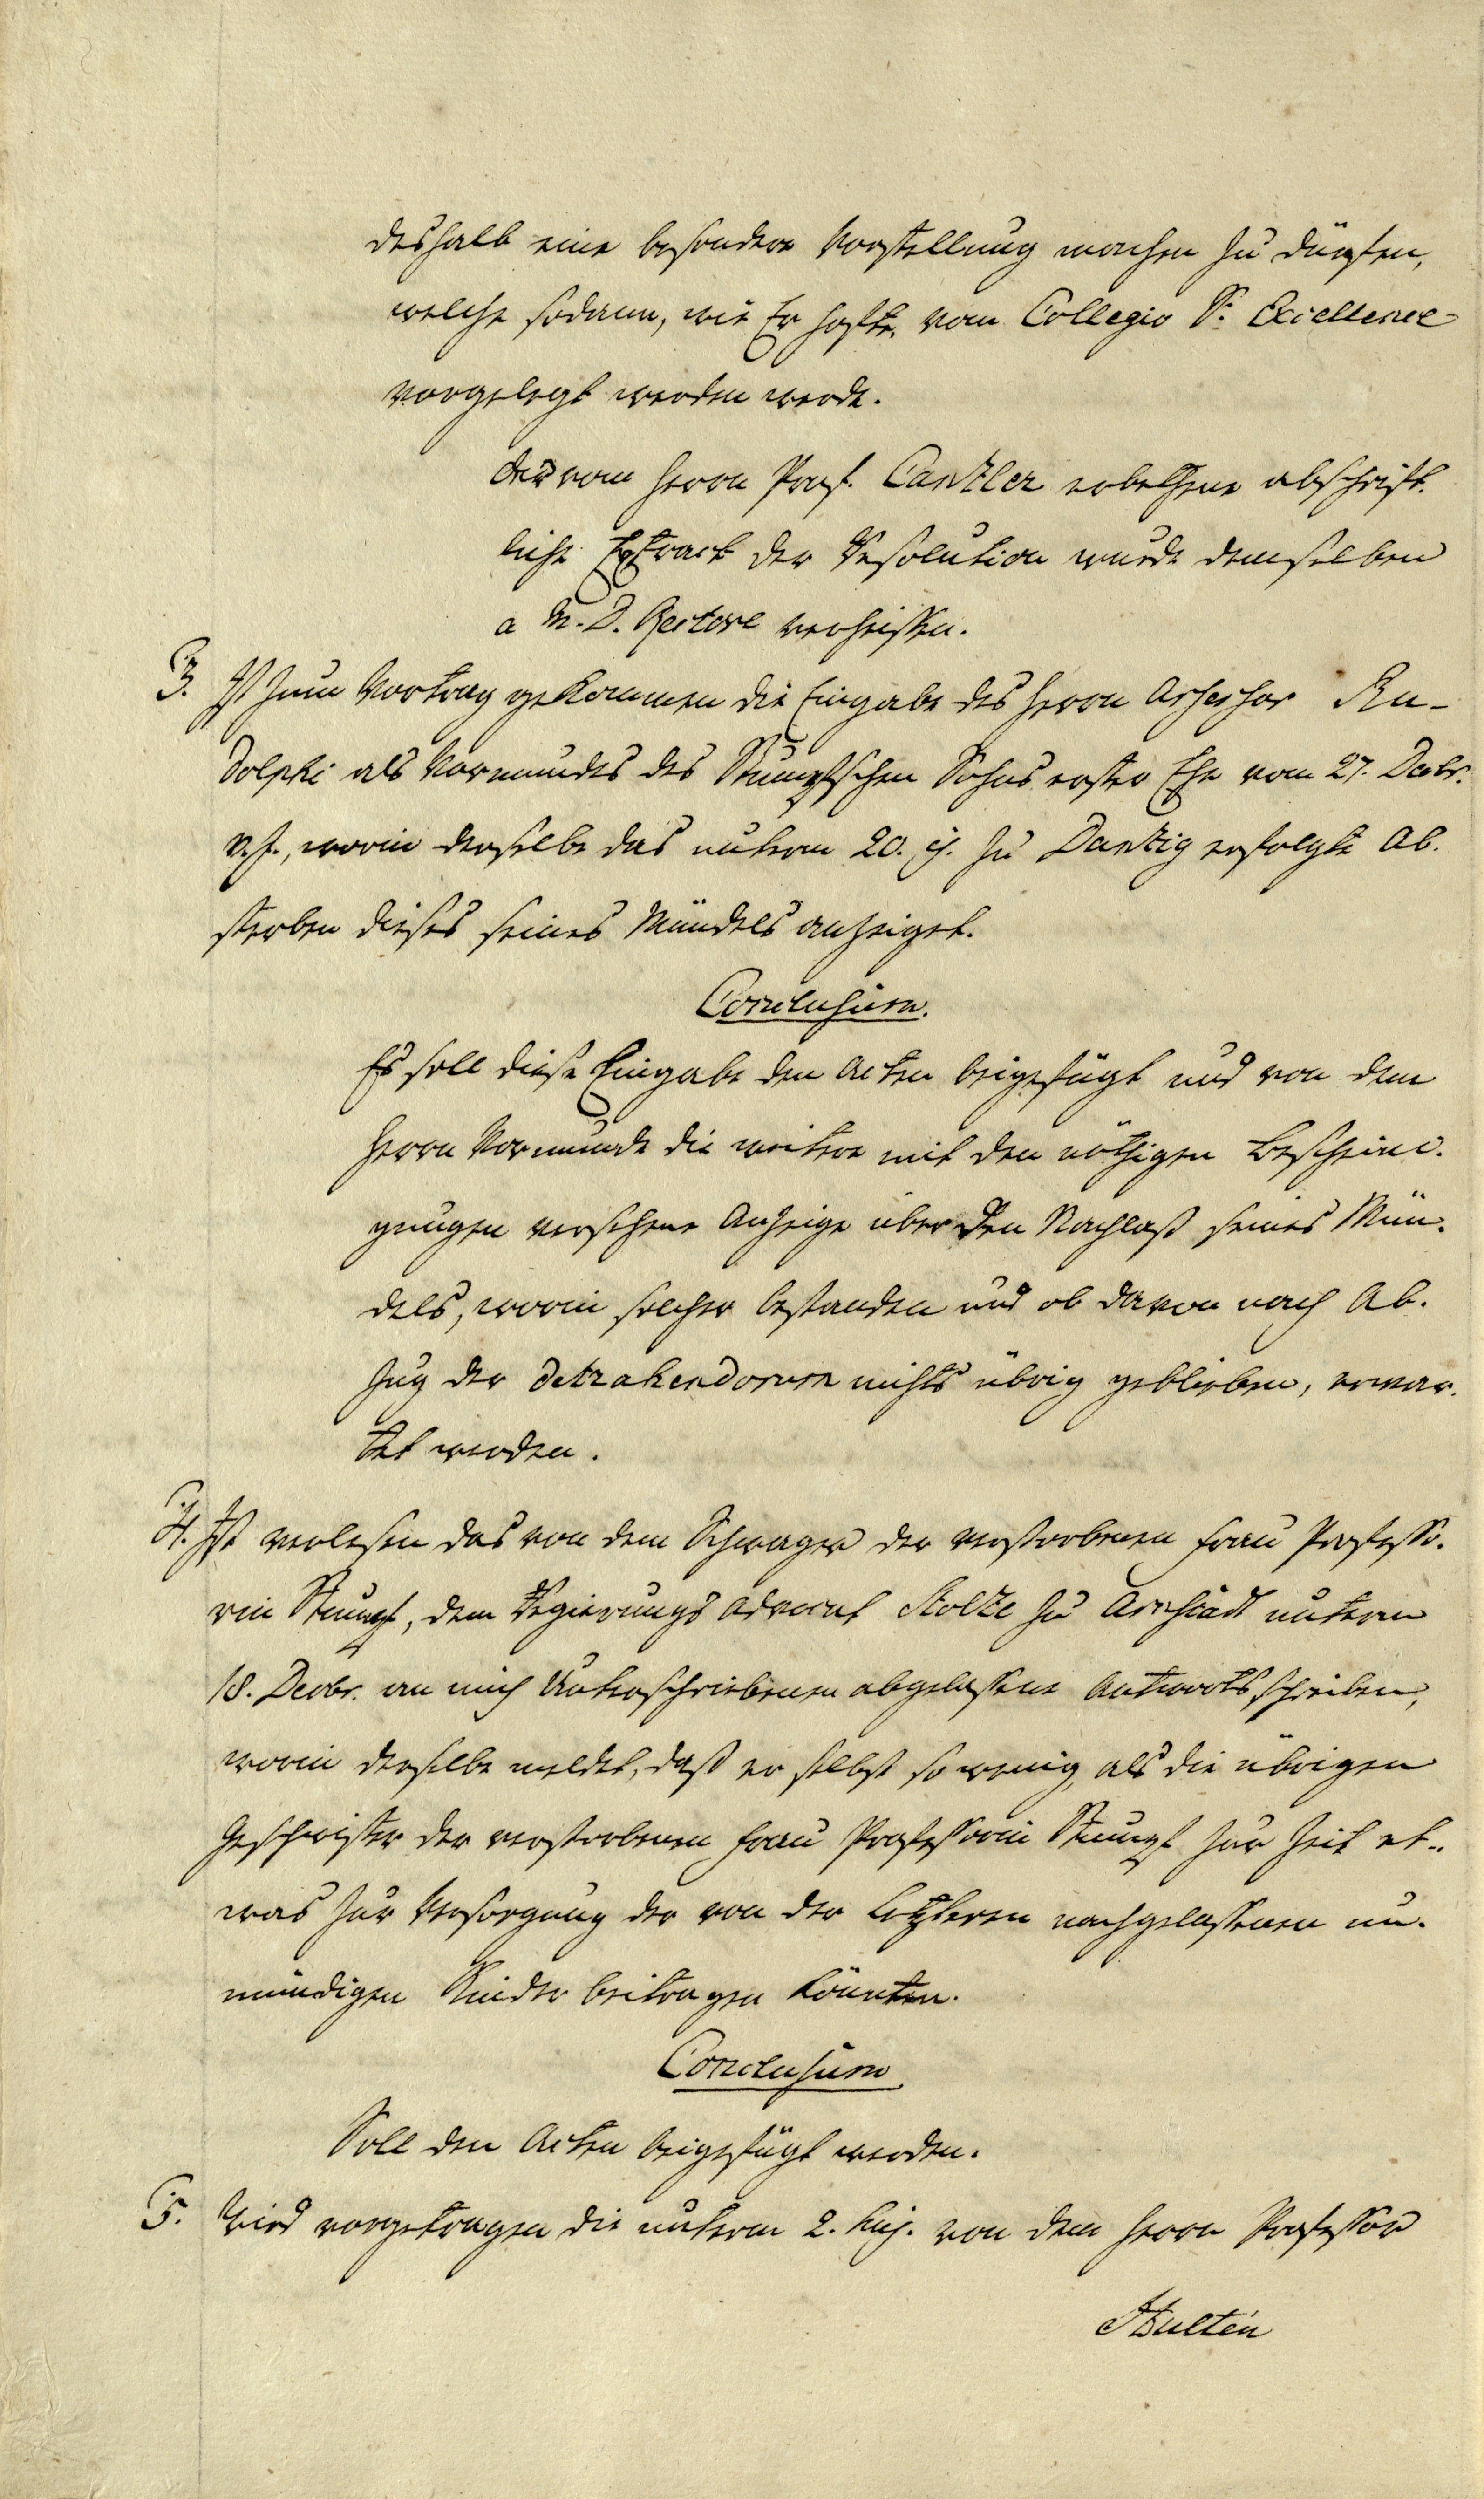deshalb eine besondere Vorstellung machen zu dürfen,
welche sodann, wie Er hofte vom Collegio Sr. Excellence
vorgelegt werden werde.
Der vom Herrn Prof. Canzler erbethene abschrift¬
liche Extract der Resolution wurde demselben
a M. D. Rectore verheissen.
3. Ist zum Vortrag gekommen die Eingabe des Herrn Assessor Ru¬
dolphi als Vormundes des Stumpfschen Sohns erster Ehe vom 27. Decbr.
v. J., worin derselbe das unterm 20. ej. zu Danzig erfolgte Ab¬
sterben dieses seines Mündels anzeiget.
Conclusum.
Es soll diese Eingabe den Acten beigefügt und von dem
Herrn Vormunde die weitere mit den nöthigen Bescheini¬
gungen versehene Anzeige über den Nachlaß seines Mün¬
dels, worin solcher bestanden und ob davon nach Ab¬
zur der detrahendorum nichts übrig geblieben, erwar¬
tet werden.
4. Ist verlesen das von dem Schwager der verstorbenen Frau Professo¬
rin Stumpf, dem Regierungsadvocat Stolze zu Arnstädt unterm
18. Decbr. an mich Unterschriebenen abgelassene Antwortsschreiben,
worin derselbe meldet, daß er selbst so wenig als die übrigen
Geschwister der verstorbenen Frau Professorin Stumpf zur Zeit et¬
was zur Versorgung der von der Letzteren nachgelassenen un¬
mündigen Kinder beitragen könnten.
Conclusum
Soll den Acten beigefügt werden.
5. Wird vorgetragen die unterm 2. huj. von dem Herrn Professor
Hultén